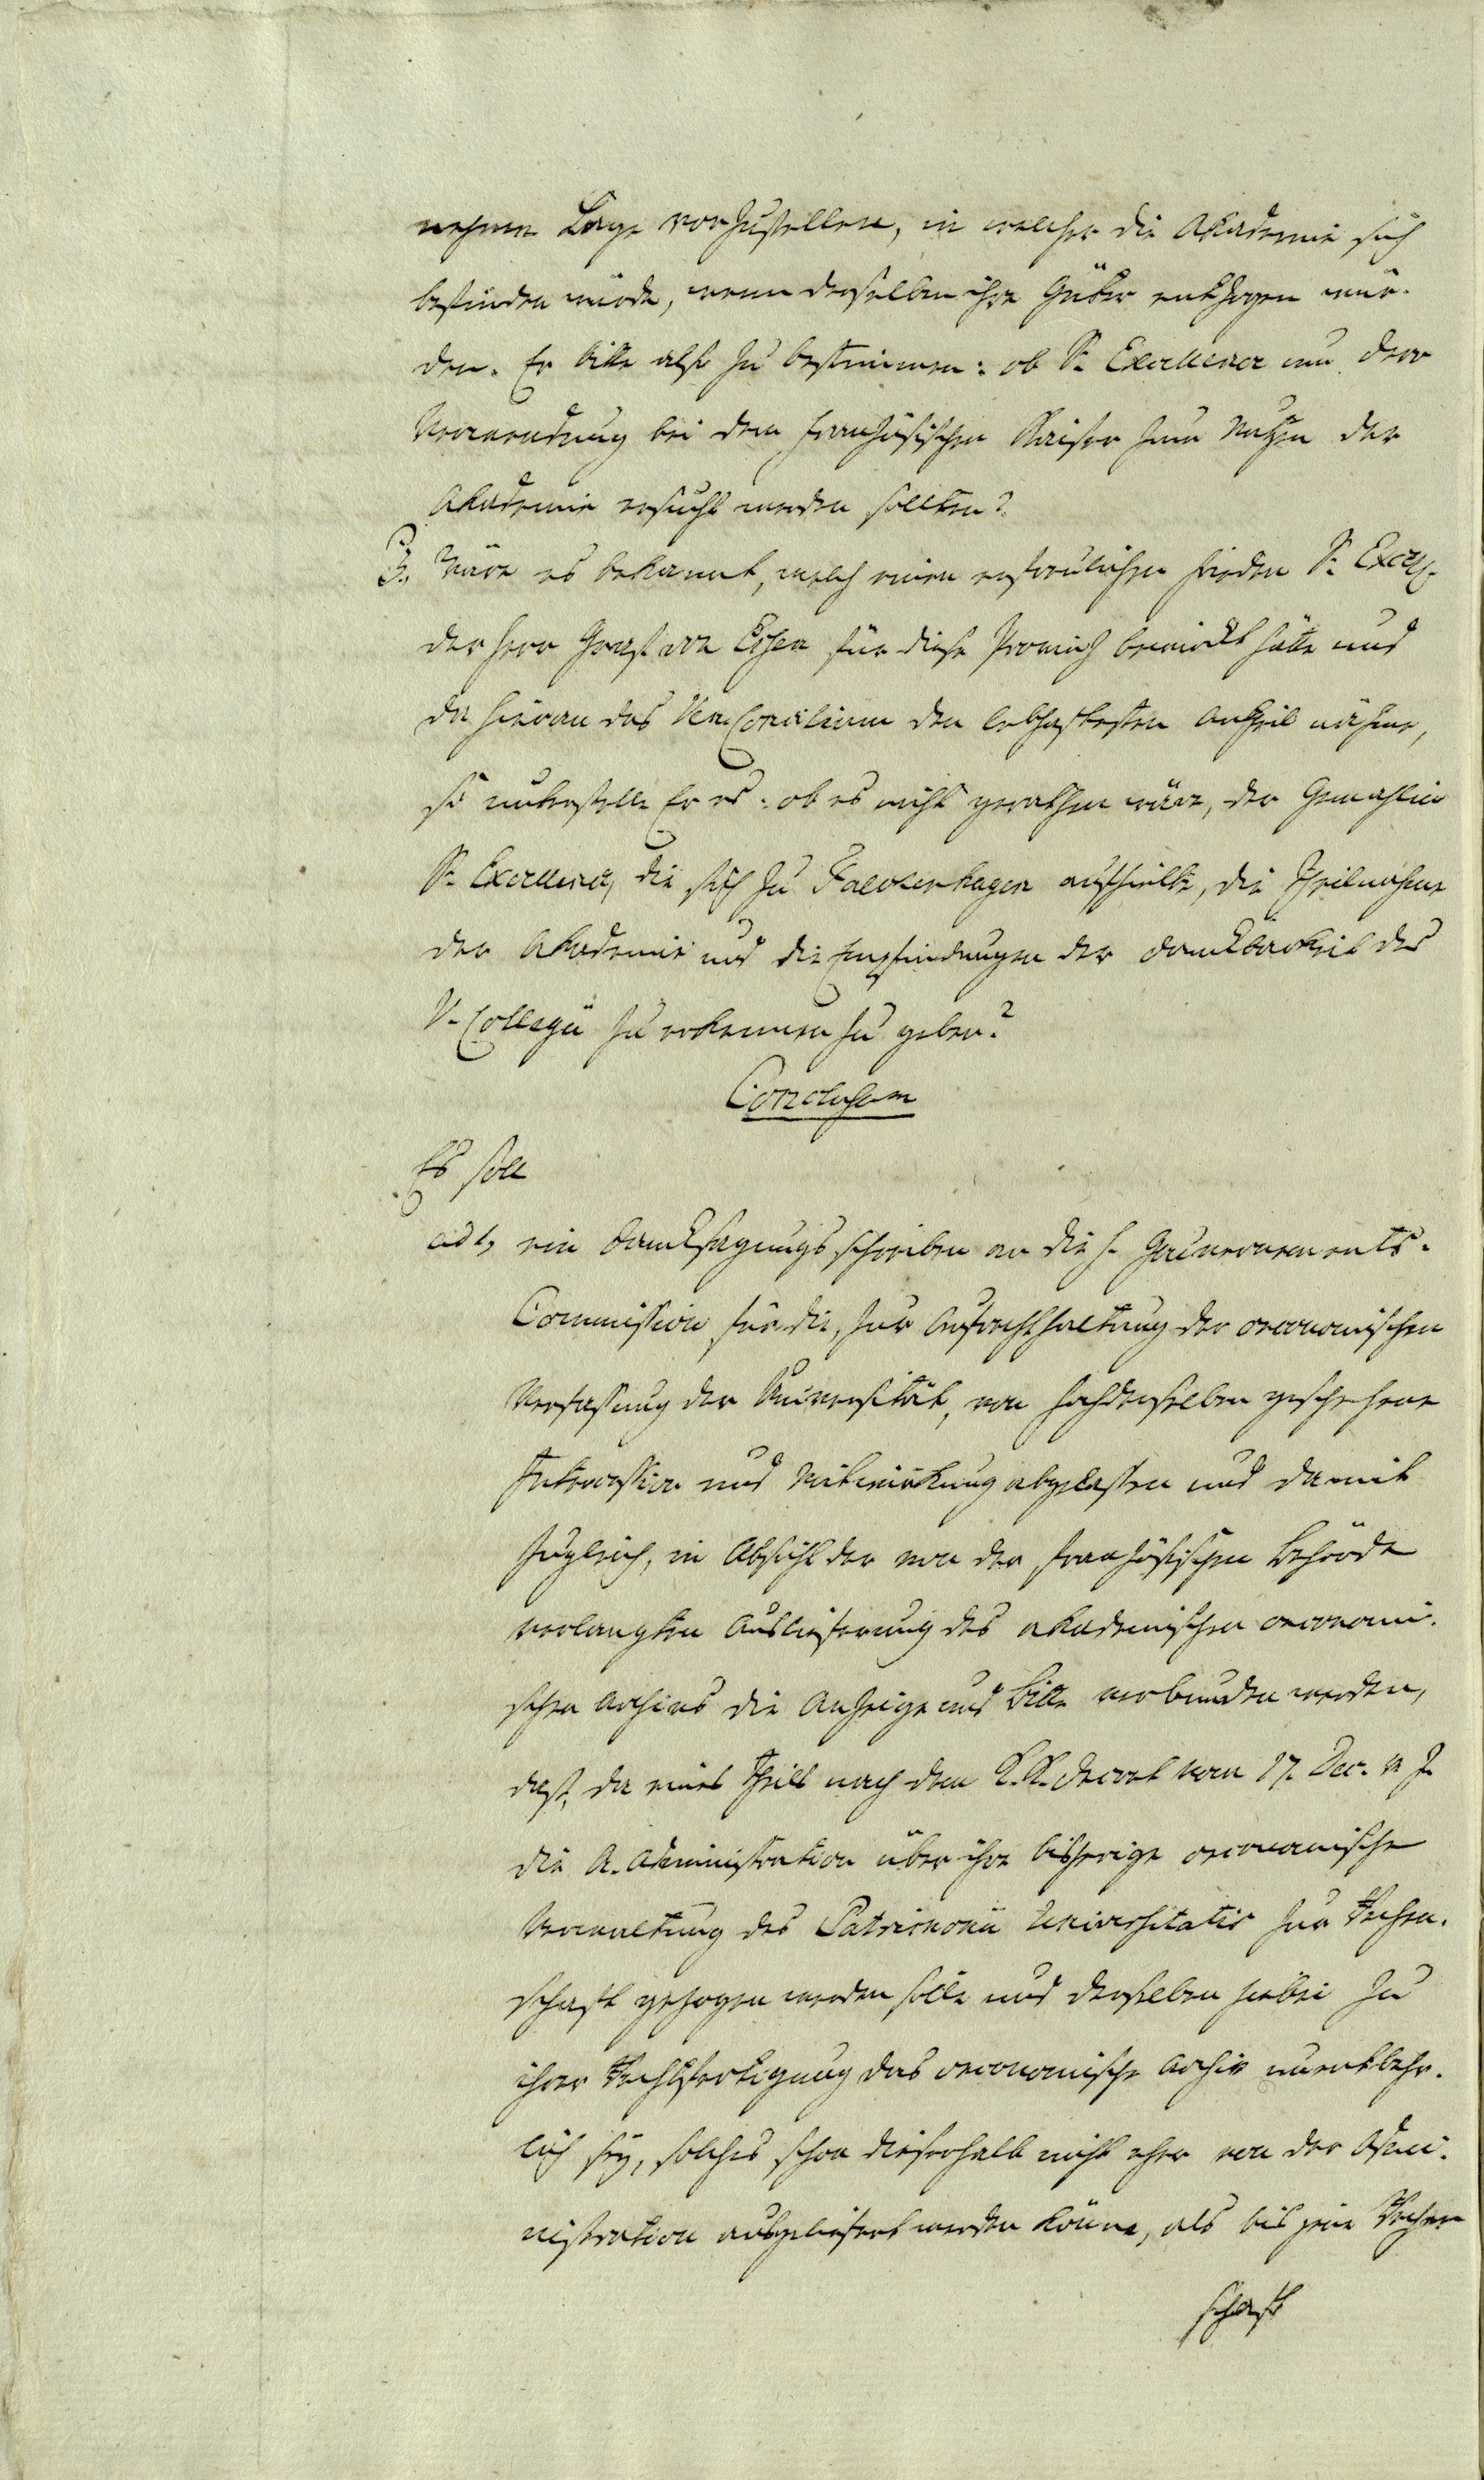nehme Lage vorzustellen, in welcher die Akademie sich
befinden würde, wenn derselben ihre Güter entzogen wür¬
den. Er bitte also zu bestimmen: ob Sr. Excellence um dero
Verwendung bei dem Französischen Kaiser zum Nutzen der
Akademie ersucht werden sollten?
3. Wäre es bekannt, welch einen erfreulichen Frieden Sr. Excll.
der Herr Graf von Essen für diese Provinz bewirkt hätte und
da hieran das Ven. Concilium den lebhaftesten Antheil nähme,
so unterstelle Er es ob es nicht gerathen wäre, der Gemahlin
Sr Excellence, die sich zu Falckenhagen aufhielte, die Theilnahme
der Akademie und die Empfindungen der Dankbarkeit des
V. Collegii zu erkennen zu geben?
Conclusum
Es soll
ad 1, ein Danksagungsschreiben an die h. Gouvernements¬
Commission für die, zur Aufrechthaltung der oeconomischen
Verfassung der Universität, von Hochderselben geschehene
Intercession und Mitwirkung abgelassen und damit
zugleich, in Absicht der von der Französischen Behörde
verlangten Auslieferung des akademischen oeconomi¬
schen Archivs die Anzeige und Bitte verbunden werden,
daß, da eines Theils nach dem K. K. Decret vom 17. Dec. v.J.
die A. Administration über ihre bisherige oeconomische
Verwaltung des Patrimonii Universitatis zur Rechen¬
schaft gezogen werden solle und derselben hiebei zu
ihrer Rechtfertigung das oeconomische Archiv unentbehr¬
lich seÿ, solches schon dieserhalb nicht eher von der Admi¬
nistration ausgeliefert werden könne, als bis seine Rechen¬
schaft